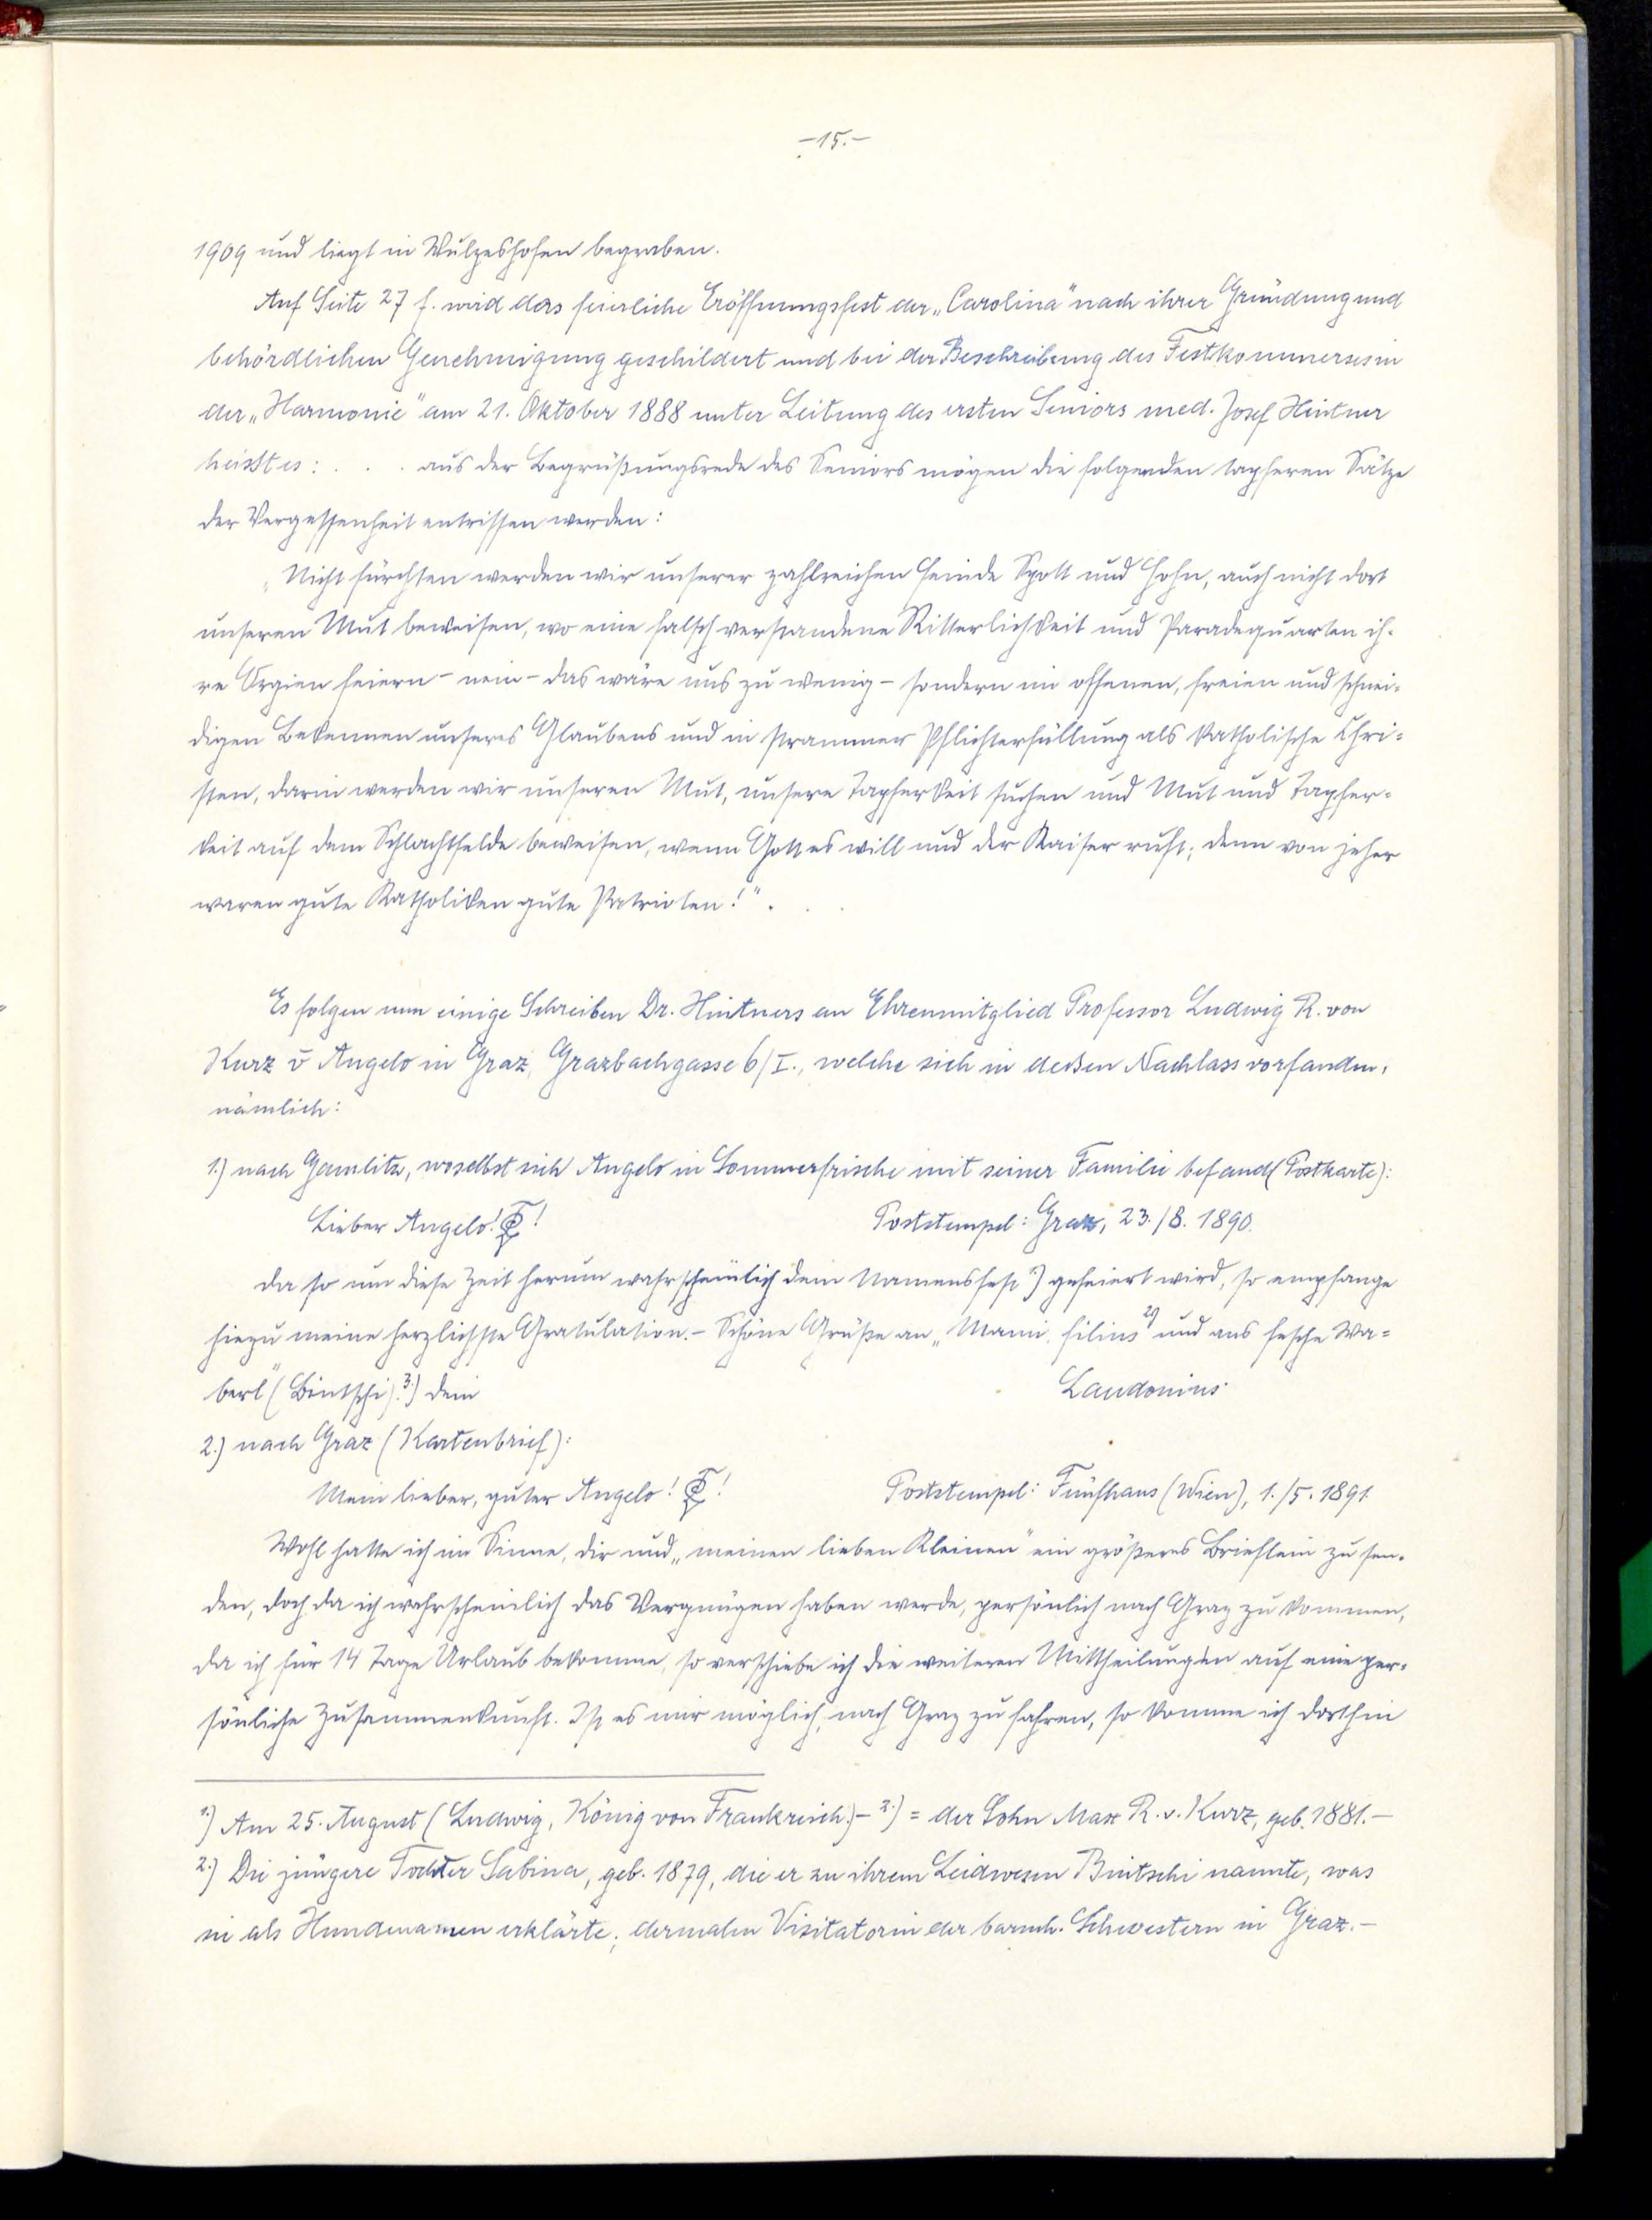15.
1909 und liegt in Wulzeshofen begraben.
Auf Seite 27 f. wird das feierliche Eröffnungsfest der "Carolina" nach ihrer Gründung und
behördlichen Genehmigung geschildert und bei der Beschreibunf des Festkommerses in
der "Harmonie" am 21. Oktober 1888 unter Leitung des ersten Seniors med. Josef Hintner
heisst es:
aus der Begrüßungsrede des Seniors mögen die folgenden tapferen Satze
der Vergangenheit entrissen werden:
Nicht fürchten werden wir unserer zahlreichen Feinde Spott und Hohn, auch nicht dort
unseren Mut beweisen, wo eine falsch verstandene Ritterlichkeit und Parade[...] ih-
re Orgien feiern - nein - das wäre uns zu wenig - sondern wir offenen, freien und schnei-
digen Bekenner unseres Glaubens und in strammer Plichterfüllung als katholische Chri-
sten, dann werden wir unseren Mut, unsere Tapferkeit suchen und Mut und Tapfer-
keit auf dem Schlachtfelde beweisen, wenn Gott es will und der Kaiser ruft, denn von jeher
waren gute Katholiken gute Patrioten!"
Es folgen nun einige Schreiben Dr. Hintners an Ehrenmitglied Professor Ludwig R. von
Kurz v/o Angelo in Graz Grabengasse 6/I., welche sich in deßen Nachlass vorfanden,
nämlich:
1.) nach Gamlitz, woselbst sich Angelo in Sommerfrische mit seiner Familie befand (Postkarte):
Lieber Angelo! CI!
Poststempel: Graz, 23. / 8. 1890
Da so um diese Zeit herum wahrscheinlich dein Namensfest 1.) gefeiert wird, so empfange
hiezu meine herzlichste Gratulation.- Schöne Grüße an "Mami filius 2.) und ans fesche Wa-
berl" (Bnitschi) 3.) dein
Laudonius
2.) nach Graz (Kartenbrief):
Mein lieberm guter Angelo! CI!
Poststempel: Fünfhaus (Wien), 1. / 5. 1891
Wohl hatte ich im Sinne, dir und "meinen lieben Kleinern" ein größeres Brieflein zu schre-
iben, doch da ich wahrscheinlich das Vergnügen haben werde, persönlich nach Graz zu kommen,
da ich für 14 Tage Urlaub bekomme, so verschiebe ich die weiteren Mittheilungen auf eine per-
sönliche Zusammenkunft. Ist es mir möglich nach Graz zu fahren, so komme ich dorthin.
1.) Am 25. August (Ludwig, König von Frankreich.)- 2.) = Der Sohn Max R. von Kurz, geb. 1881.-
2.) Die jüngere Tochter Sabina, geb. 1879, die er zu ihrem Leidwesen Bnitschi nannte, was
sie als Hundenamen erklärte. Dermalen Visitatorin der barmh. Schwestern in Graz.-